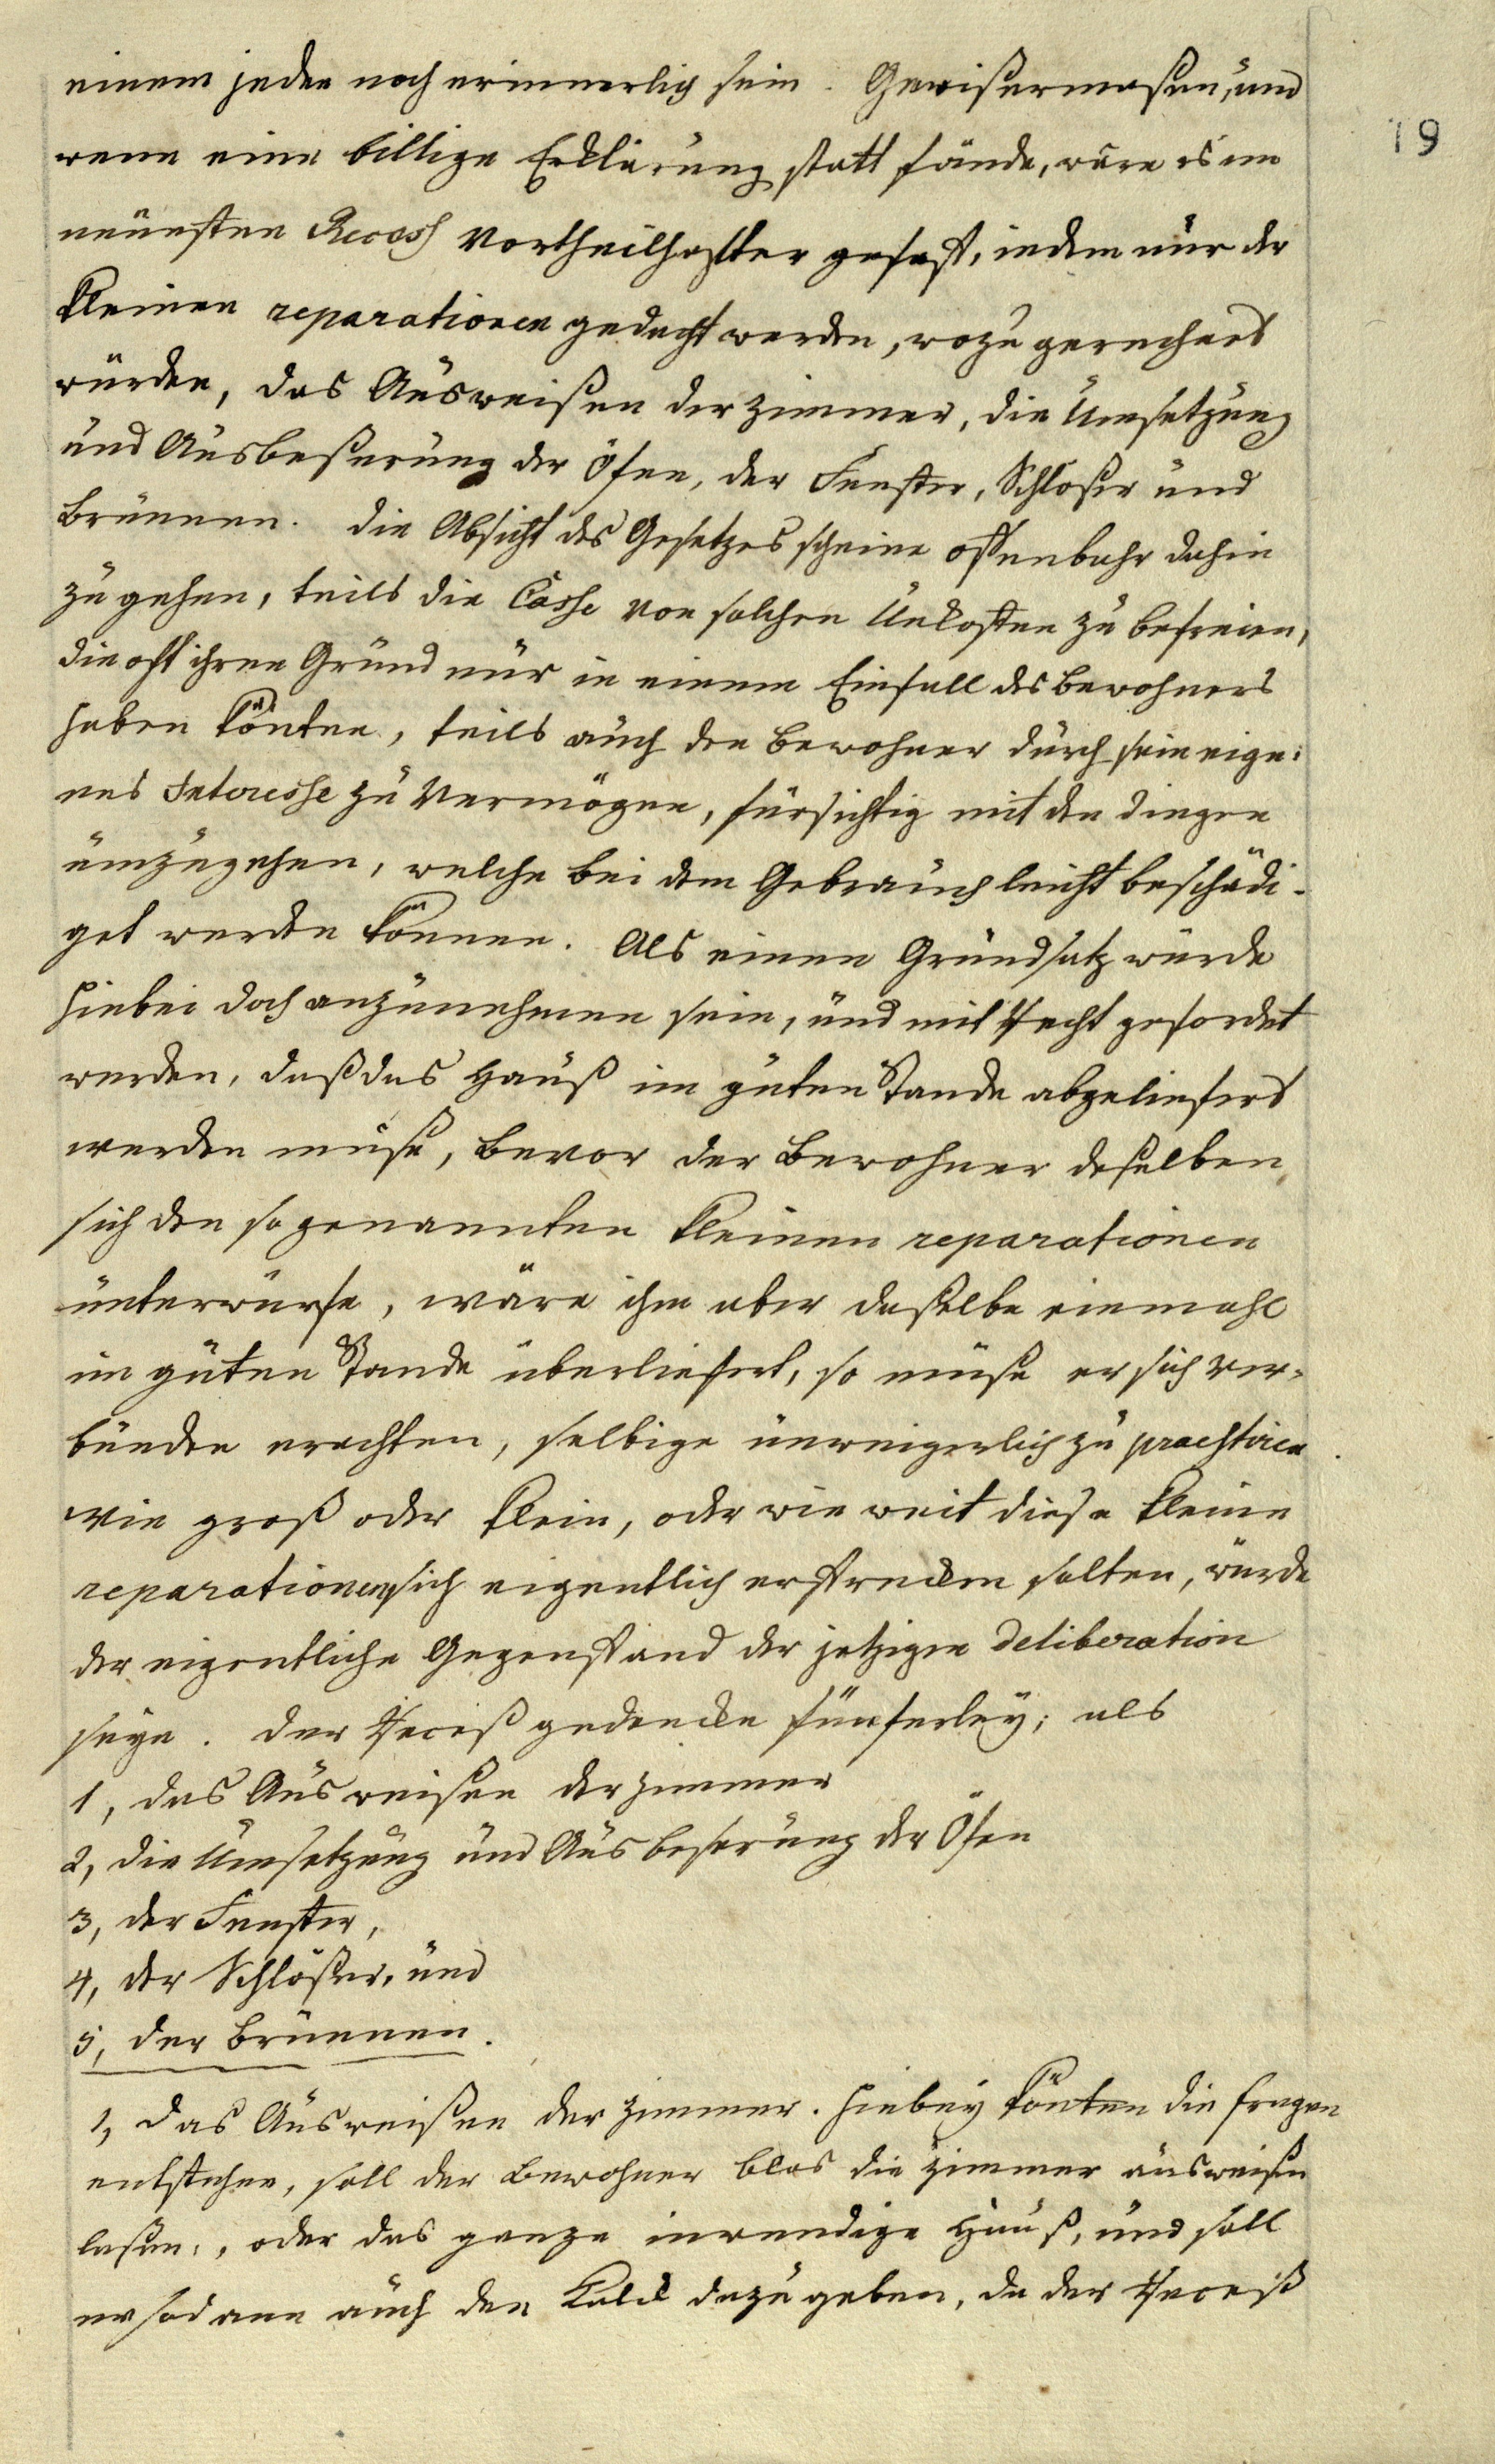einem jeden noch erinnerlich sein. Gewißermaßen, und
wenn eine billige Erklärung statt fände, wäre es im
neuesten Recess votheilhafter gefast, indem nur der
kleinen reparationen gedacht worden, wozu gerechnet
würden, das Ausweißen der Zimmer, die Umsetzung
und Ausbeßerung der Öfen, der Fenster, Schlößer und
Brunnen. Die Absicht des Gesetzes scheine offenbahr dahin
zu gehen, teils die casse von solchen Unkosten zu befreien,
die oft ihren Grund nur in einem Einfall des Bewohners
haben könten, teils auch den Bewohner durch sein eige¬
nes Interesse zu vermögen, fürsichtig mit den Dingen
umzugehen, welche bei dem Gebrauch leicht beschädi¬
get werden können. Als einen Grundsatz würde
hiebei doch anzunehmen sein, und mit Recht gefordert
werden, daß das haus im guten Stande abgeliefert
werden müße, bevor der Bewohner deßelben
sich den sogenannten kleinen reparationen
unterwürfe, wäre ihm aber daßelbe einmahl
im guten Stande überliefert, so müße er sich ver¬
bunden erachten, selbige unweigerlich zu praestiren.
Wie groß oder klein, oder wie weit diese kleine
reparationen sich eigentlich erstrecken solten, würde
der eigentliche Gegenstand der jetzigen deliberation
seÿn. Der Receß gedencke fünferleÿ, als
1, das Ausweißen der Zimmer
2, die Umsetzung und Ausbeserung der Öfen
3, der Fenster,
4, der Schlößer, und
5, der Brunnen.
1, das Ausweißen der Zimmer. hiebeÿ könten die Fragen
entstehen, soll der Bewohner blos die Zimmer ausweißen
laßen, oder das ganze inwendige Haus, und soll
er sodann auch den Kalck dazu geben, da der Receß